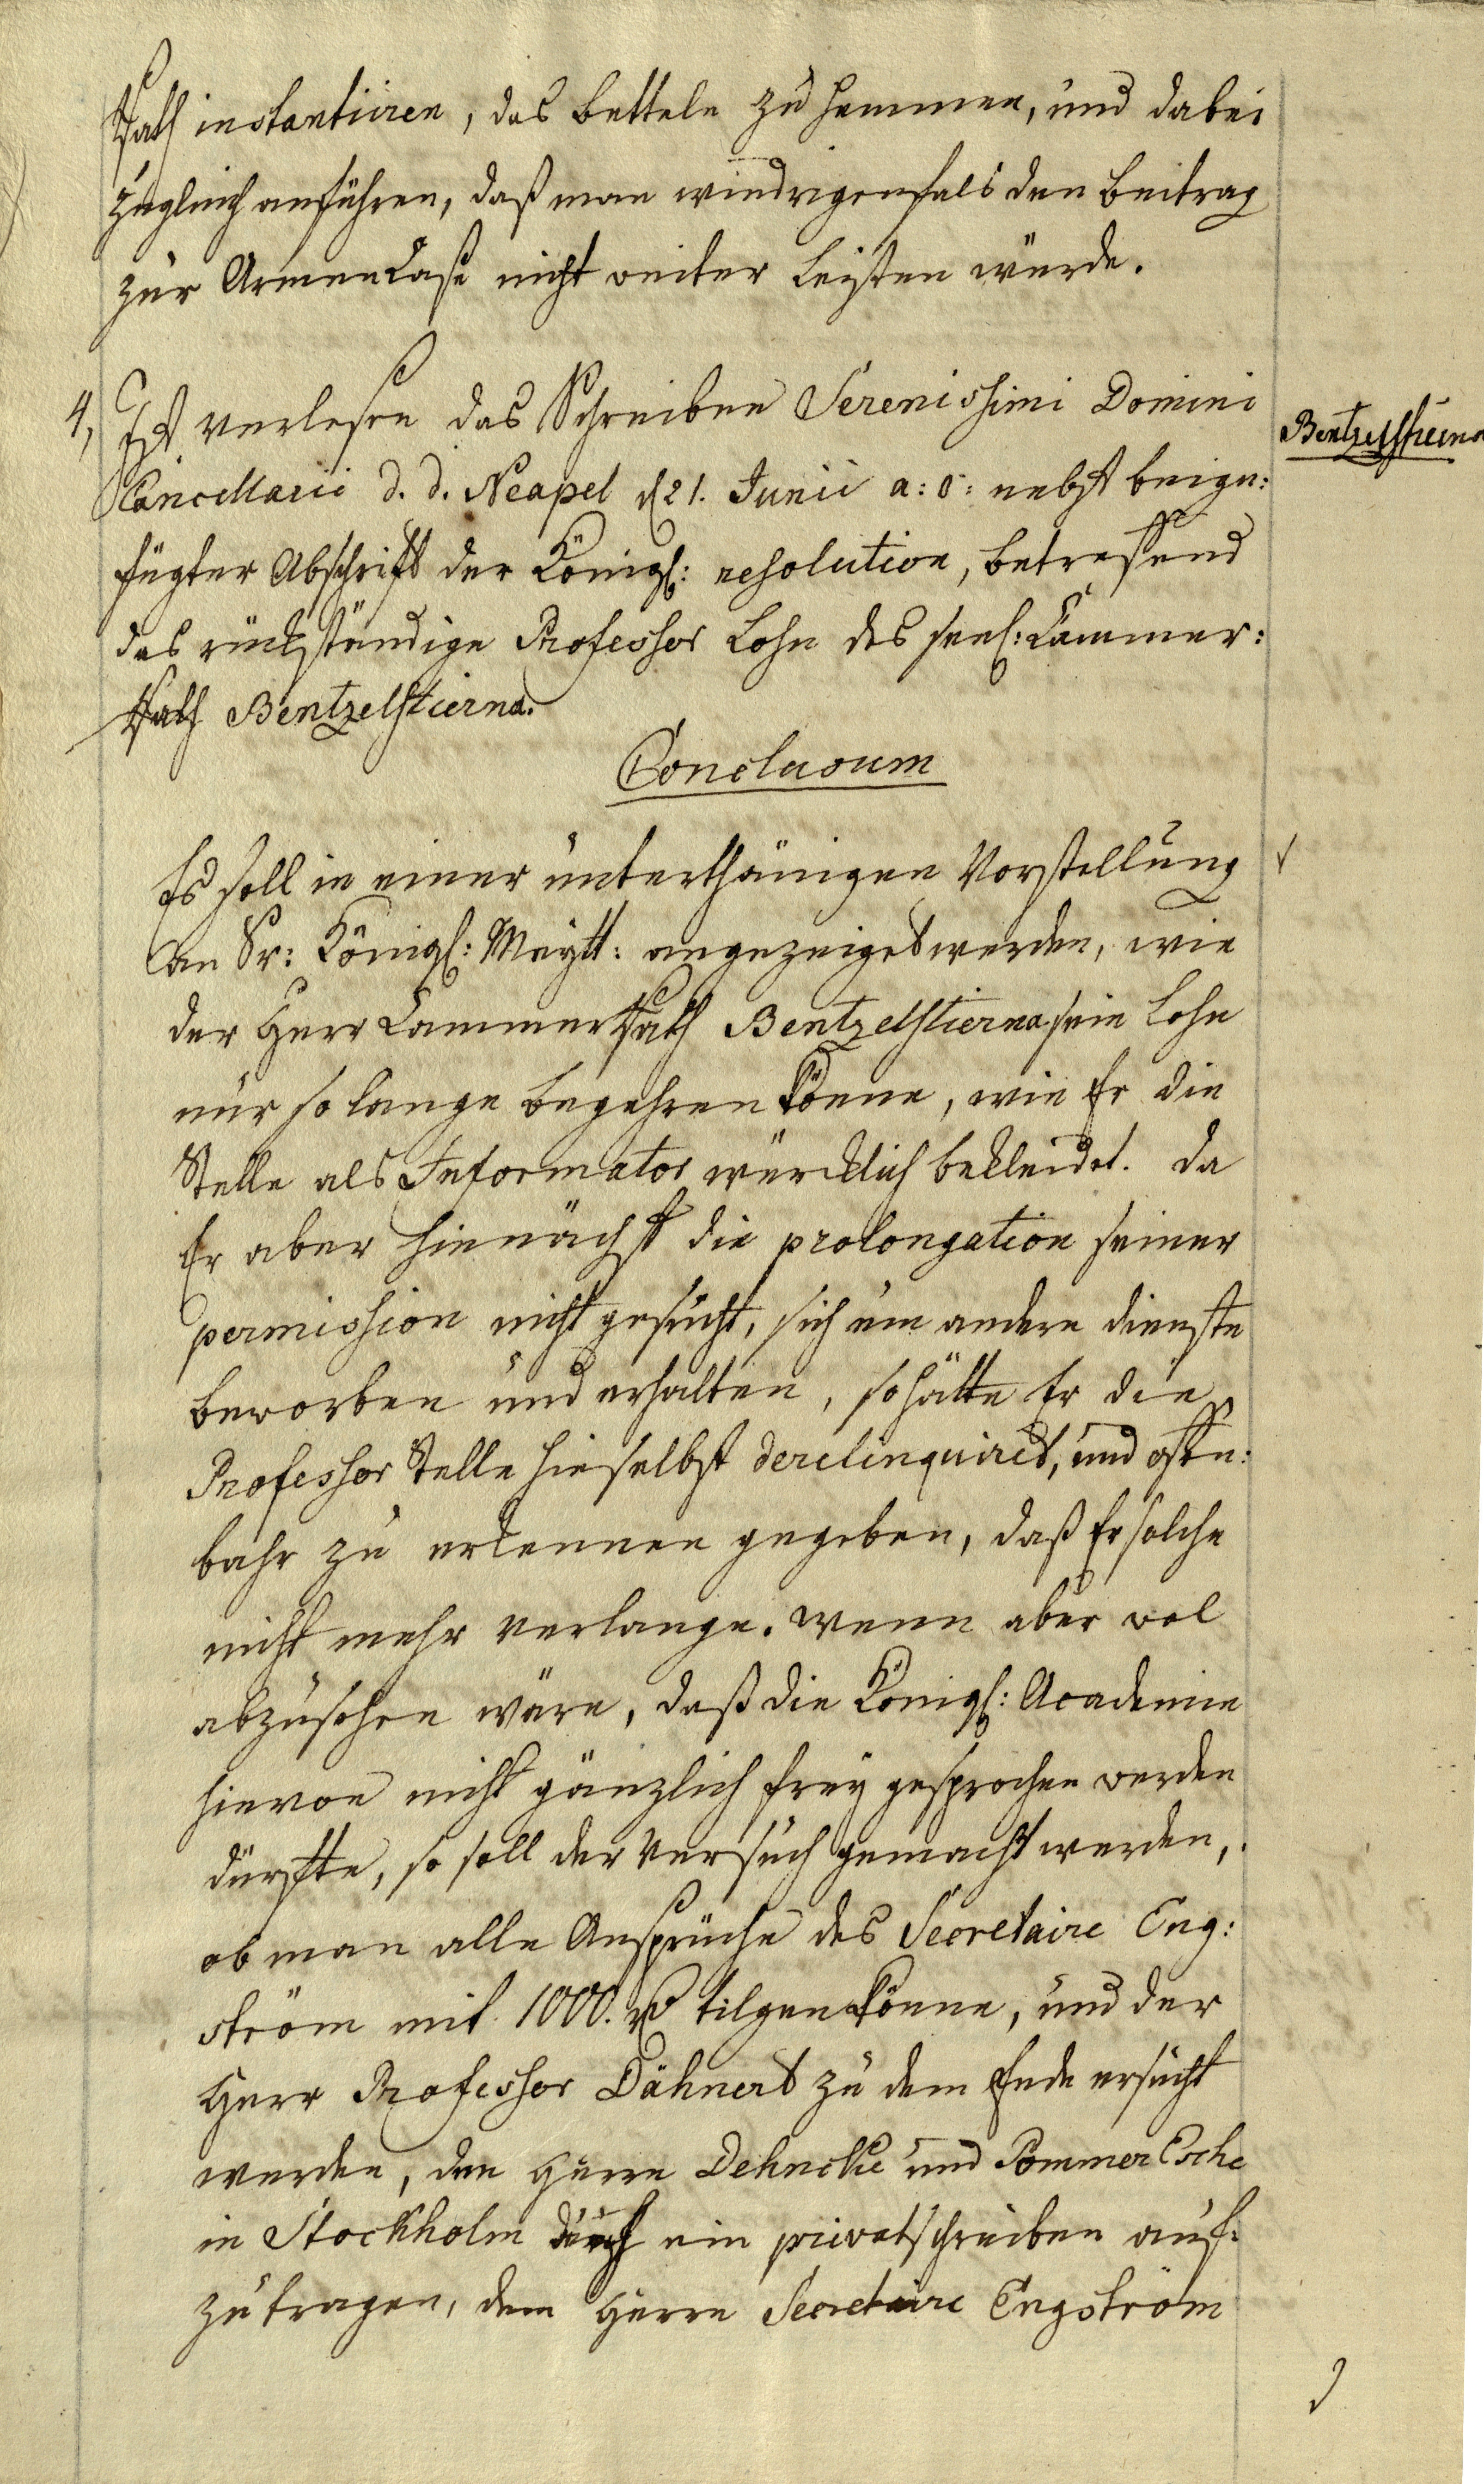Rath instantiiren, das Betteln zu hemmen, und dabei
zugleich anführen, daß man wiedrigenfals den Beitrag
zur Armenkaße nicht weiter leisten würde.
4. Ist verlesen das Schreiben Serenissimi Domini
Cancellarii d. d. Neapel d 21. Junii a: c: nebst beige¬
fügter Abschrift der Königl: resolution, betreffend
das rückständige Professor Lohn des seel: Cammer¬
Rath Bentzelstierna.
Conclusum
Es soll in einer unterthänigen Vorstellung
an Sr: Königl: Maÿtt: angezeiget werden, wie
der Herr CammerRath Bentzelstierna sein Lohn
nur so lange begehren könne, wie Er die
Stelle als Informator würcklich bekleidet. Da
Er aber hienächst die prolongation seiner
permission nicht ersucht, sich um andere Dienste
beworben und erhalten, so hätte Er die
Professor Stelle hieselbst derelinquiret, und offen¬
bahr zu erkennen gegeben, daß Er solche
nicht mehr verlange. wenn aber wol
abzusehen wäre, daß die Königl: Academie
hievon nicht gänzlich freÿ gesprochen werden
dürfte, so soll der Versuch gemacht werden,
ob man alle Ansprüche des Secretaire Eng¬
ström mit 1000. r tilgen könne, und der
Herr Professor Dähnert zu dem Ende ersucht
werden, den Herrn Dencke und PommerEsche
in Stockholm durch ein privatschreiben auf¬
zu tragen dem Herrn Secretaire Engström